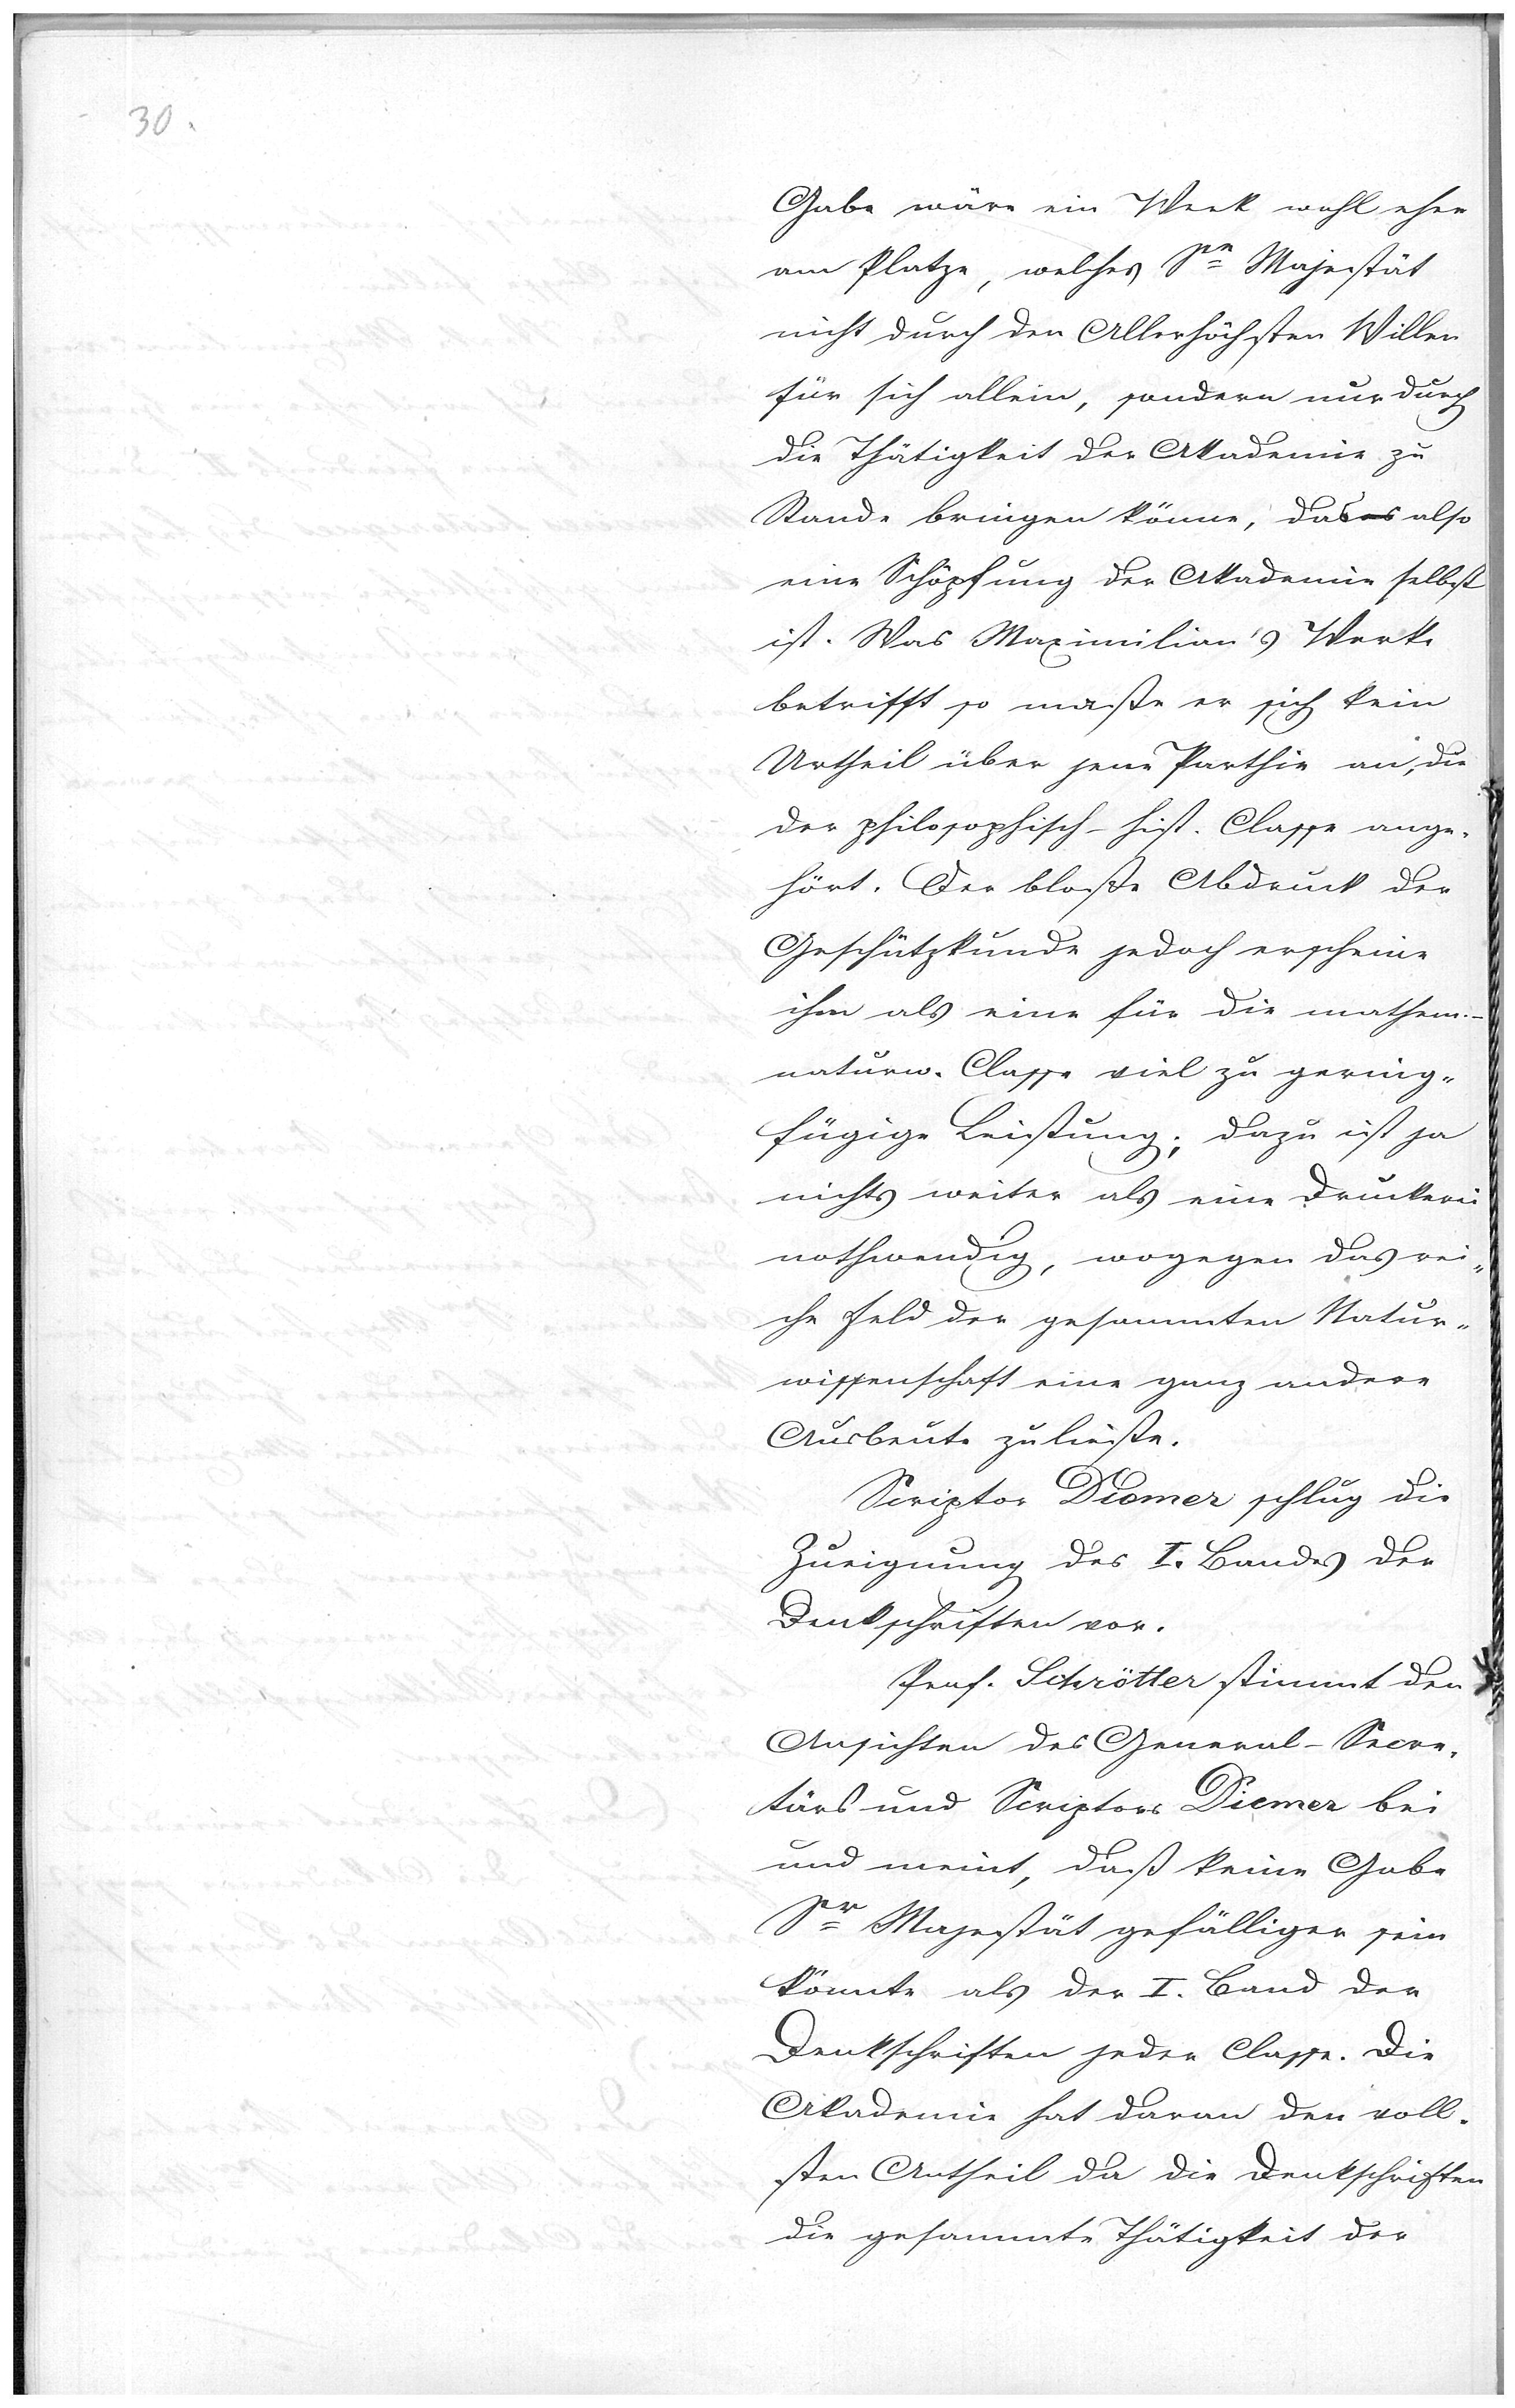Gabe wäre ein Werk wohl eher
an Platze, welcher Sr Majestät
nicht durch den Allerhöchsten Willen
für sich allein, sondern nur durch
die Thätigkeit der Akademie zu
Stande bringen könne, das es also
eine Schöpfung der Akademie selbst
ist. Was Maximilian's Werke
betrifft so maße er sich kein
Urtheil über jene Parthie an, die
der philosophisch-hist. Classe ange-
hört. Der bloße Abdruck der
Geschützkunde jedoch erscheine
ihm als eine für die mathem.-
naturw. Classe viel zu gering-
fügige Leistungen; dazu ist ja
nichts weiter als eine Druckerei
nothwendig, wogegen das rei-
che Feld der gesammte Natur-
wissenschaft eine ganz andere
Ausbeute zuließe.
Scriptor Diemer schlug die
Zueignung des I. Bandes der
Denkschriften vor.
Prof. Schrötter stimmt den
Ansichten des General-Secre-
tärs und Scriptors Diemer bei
und meint, daß keine Gabe
Sr Majestät gefälliger sein
könnte als der I. Bland der
Denkschriften jeder Classe. Die
Akademie hat daran den voll-
sten Antheil da die Denkschriften
die gesammte Thätigkeit der